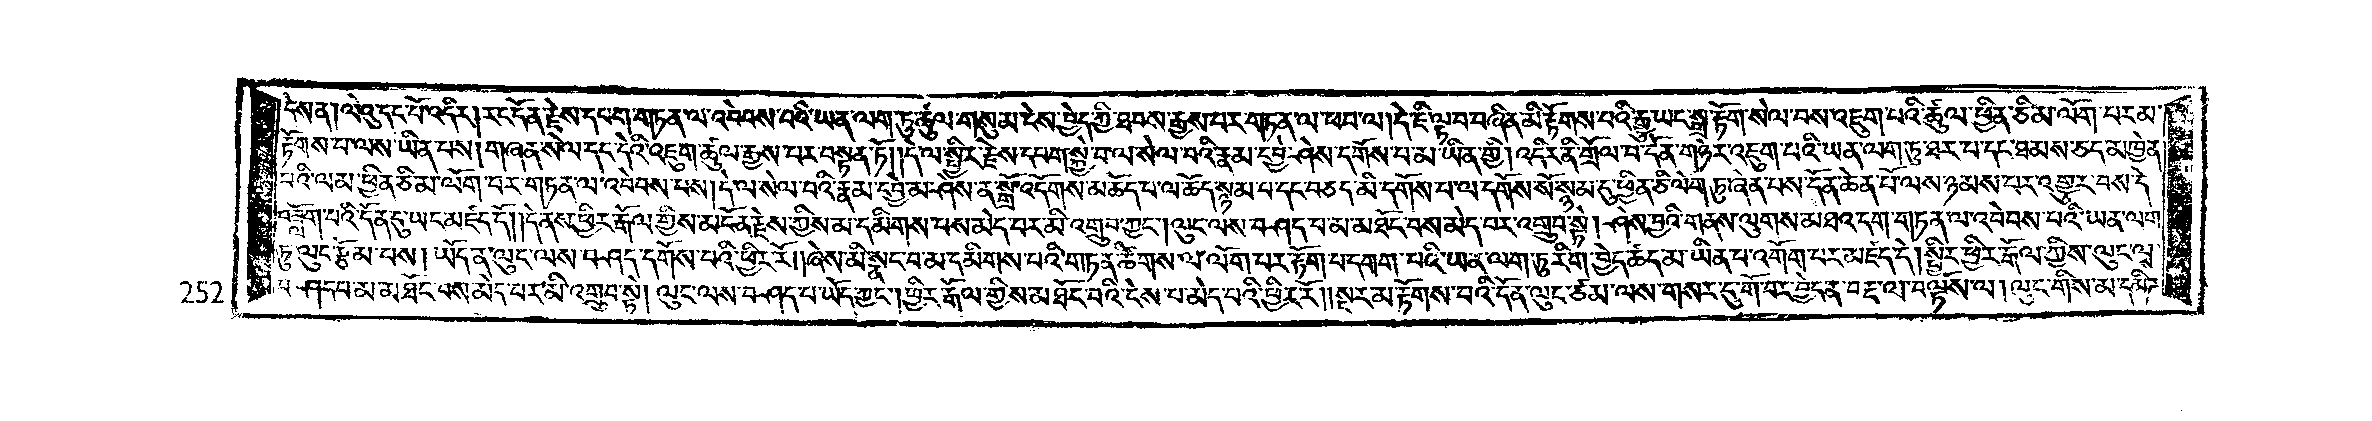དེས་ན། ལེའུ་དང་པོ་འདིར། རང་དོན་རྗེས་དཔག་གཏན་ལ་འབེབས་པའི་ཡན་ལག་ཏུ་ཚུལ་གསུམ་ངེས་བྱེད་ཀྱི་ཐབས་རྒྱས་པར་གཏན་ལ་ཕབ་ལ། དེ་ཇི་ལྟ་བ་བཞིན་མི་རྟོགས་པའི་རྒྱུ་ཡང་སྒྲ་རྟོག་སེལ་བས་འཇུག་པའི་ཚུལ་ཕྱིན་ཅི་མ་ལོག་པར་མ་
རྟོགས་པ་ལས་ཡིན་པས། གཞན་སེལ་དང་དེའི་འཇུག་ཚུལ་རྒྱས་པར་བསྟན་ཏོ། །དེ་ལ་སྤྱིར་རྗེས་དཔག་སྐྱེ་བ་ལ་སེལ་བའི་རྣམ་དབྱེ་ཤེས་དགོས་པ་མ་ཡིན་གྱི། འདིར་ནི་གྲོལ་བ་དོན་གཉེར་འཇུག་པའི་ཡན་ལག་ཏུ་ཐར་པ་དང་ཐམས་ཅད་མཁྱེན་
པའི་ལམ་ཕྱིན་ཅི་མ་ལོག་པར་གཏན་ལ་འབེབས་པས། དེ་ལ་སེལ་བའི་རྣམ་དབྱེ་མ་ཤེས་ན་སྒྲོ་འདོགས་མཆོད་པ་ལ་ཆོས་སྙམ་པ་དང་བཅད་མི་དགོས་པ་ལ་དགོས་སོ་སྙམ་དུ་ཕྱིན་ཅི་ལོག་ཏུ་ཞེན་པས་དོན་ཆེན་པོ་ལས་ཉམས་པར་འགྱུར་བས་དེ་
བཟློག་པའི་དོན་དུ་ཡང་མཛད་དོ། །དེ་ནས་ཕྱིར་རྒོལ་གྱིས་མངོན་རྗེས་ཀྱིས་མ་དམིགས་པས་མེད་པར་མི་འགྲུབ་ཀྱང་། ལུང་ལས་བཤད་པ་མ་མཐོང་བས་མེད་པར་འགྲུབ་སྟེ། ཤེས་བྱའི་གནས་ལུགས་མཐའ་དག་གཏན་ལ་འབེབས་པའི་ཡན་ལག་
ཏུ་ལུང་རྩོམ་པས། ཡོད་ན་ལུང་ལས་བཤད་དགོས་པའི་ཕྱིར་རོ། །ཞེས་མི་སྣང་བ་མ་དམིགས་པའི་གཏན་ཚིགས་ལ་ལོག་པར་རྟོག་པ་དགག་པའི་ཡན་ལག་ཏུ་རིག་བྱེད་ཚད་མ་ཡིན་པ་འགོག་པར་མཛད་དེ། སྤྱིར་ཕྱིར་རྒོལ་ཀྱིས་ལུང་ལས་
བཤད་པ་མ་མཐོང་བས་མེད་པར་མི་འགྲུབ་སྟེ། ལུང་ལས་བཤད་པ་ཡོད་ཀྱང་། ཕྱིར་རྒོལ་གྱིས་མཐོང་བའི་ངེས་པ་མེད་པའི་ཕྱིར་རོ། །སྔར་མ་རྟོགས་པའི་དོན་ལུང་ཙམ་ལས་གསར་དུ་གོ་བར་བྱེད་ན་བརྡ་ལ་བལྟོས་ལ། ལུང་གིས་མ་དམིགས་